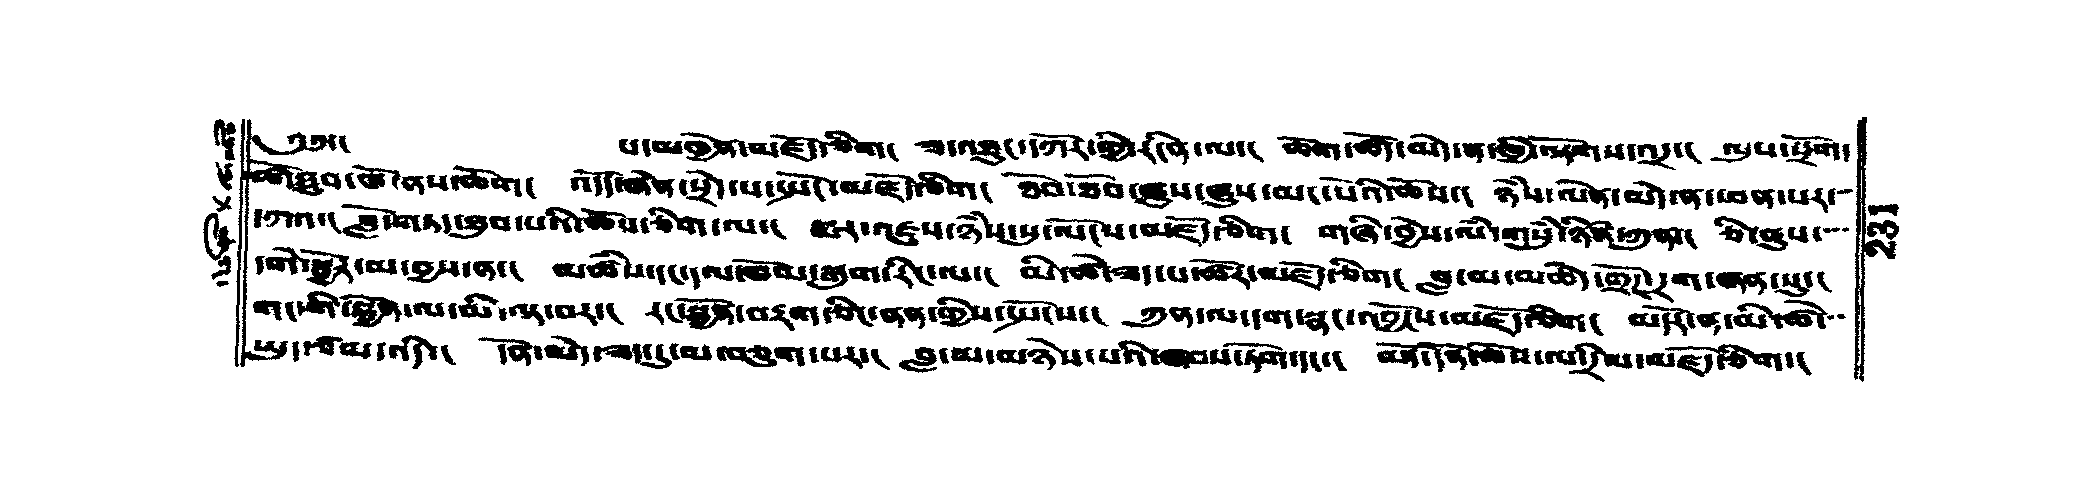པ་མཁྱེན་མཛོད་ཅིག །ཟ་འཐུང་དཀོར་གྱི་རང་བཞིན་ལ། །ཆོག་ཚོད་མེད་ན་ཁྱི་ལྟོགས་འདྲ། །ལུས་སྲོག་
འཚོ་ཐུབ་ཁོ་ནས་ཆོག །འདོད་ཞེན་སྲེད་པ་སྤོང་མཛོད་ཅིག །ཐོབ་ཐོབ་ཞུས་ཞུས་མང་པོའི་ཆོས། །ཉམས་ལེན་མེད་ན་ཕན་པར་
དཀའ། །བློ་གཏད་ཐུབ་པའི་ཆོས་ཅིག་ལ། །སྨར་འཇུས་ཉམས་སུ་ལོངས་མཛོད་ཅིག །གཞིས་བྱེས་ལམ་གསུམ་ཉིན་མཚན་ཀུན། །ཅི་ནུས་
དགེ་སྦྱོར་མ་བྱས་ན། །མཚམས་དང་དལ་ཁོམ་སྒུག་རིང་ལ། །མི་ཚེ་ཟད་པ་ཚོར་མཛོད་ཅིག །བླ་མ་མཆེད་གྲོགས་དྲག་ཞན་སུ། །
གང་གི་སྐྱོན་ལ་མི་ལྟ་བར། །རང་སྐྱོན་བརྟག་ཅིང་ནན་གྱིས་སྤོངས། །ཀུན་ལ་དག་སྣང་འབྱོངས་མཛོད་ཅིག །མདོར་ན་མི་ཚེ་
ཡུད་ཙམ་འདི། །དོན་མེད་ཟད་དུ་མ་བཅུག་པར། །བླ་མ་མཉེས་པའི་ཞབས་ཏོག་དང་། །མདོ་དོན་ཆོས་ལ་དྲིལ་མཛོད་ཅིག